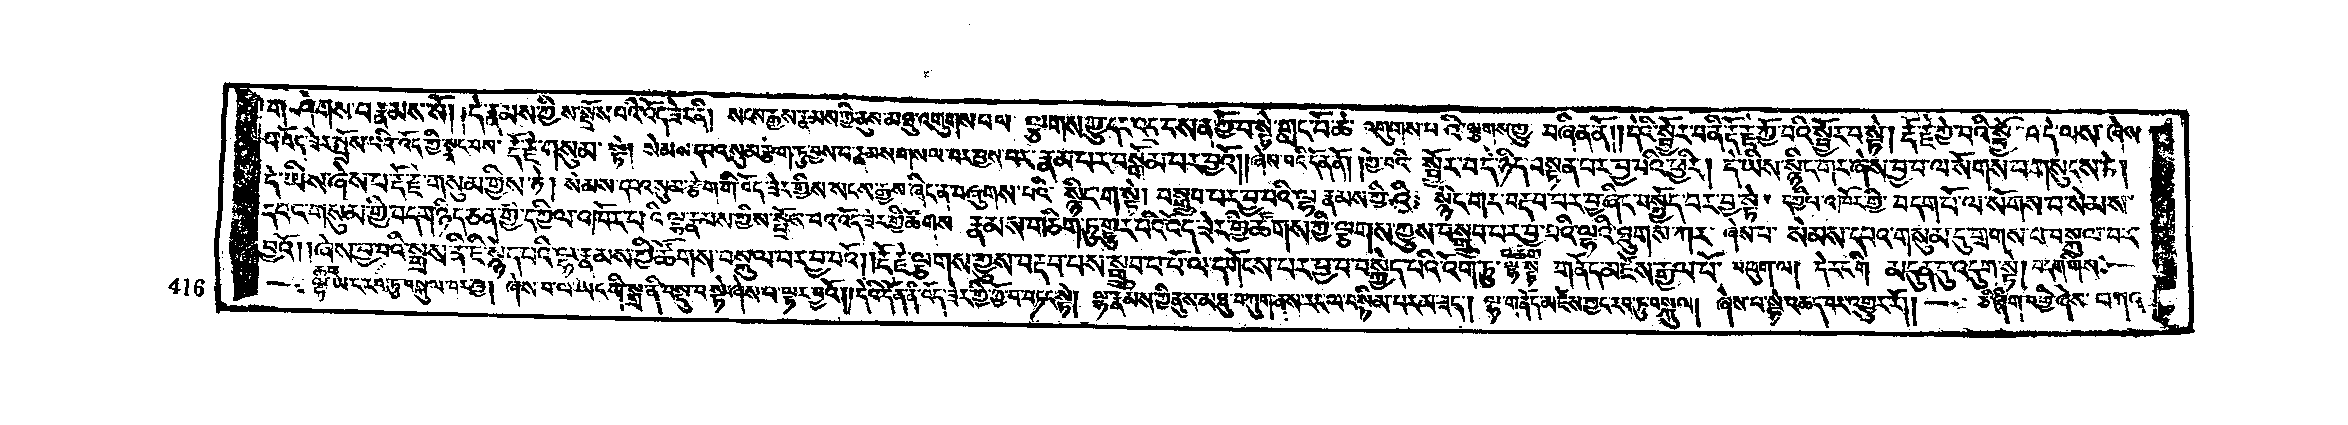གཤེགས་པ་རྣམས་སོ། །དེ་རྣམས་ཀྱིས་སྤྲོས་པའི་འོད་ཟེར་ནི། སངས་རྒྱས་རྣམས་ཀྱི་ནུས་མཐུ་འགུགས་པ་ལ་ལྕགས་ཀྱུ་དང་འདྲ་བས་ན་ཀྱོ་བ་སྟེ་གླང་པོ་ཆེ་འགུགས་པའི་ལྕགས་ཀྱུ་བཞིན་ནོ། །དེའི་སྦྱོར་བ་ནི་རྡོ་རྗེ་ཀྱོ་བའི་སྦྱོར་བ་སྟེ། རྡོ་རྗེ་ཀྱོ་བའི་སྦྱོར་བ་དེ་ལས་ཞེས་
པ་འོད་ཟེར་སྤྲོས་པའི་འོད་ཀྱི་སྣང་བས་རྡོ་རྗེ་གསུམ་སྟེ། སེམས་དཔའ་སུམ་རྩེག་ཏུ་བྱས་པ་རྣམས་གསལ་བར་བྱས་པར་རྣམ་པར་བསྒོམ་པར་བྱའོ། ། ཞེས་པའི་དོན་ནོ། །ཀྱོ་བའི་སྦྱོར་བ་དེ་ཉིད་བསྟན་པར་བྱ་བའི་ཕྱིར། དེ་ཡིས་སྙིང་གར་ཞེས་བྱ་བ་ལ་སོགས་པ་གསུངས་ཏེ།
དེ་ཡིས་ཞེས་པ་རྡོ་རྗེ་གསུམ་གྱིས་ཏེ། སེམས་དཔའ་སུམ་རྩེག་གི་འོད་ཟེར་གྱིས་སངས་རྒྱས་གྱི་ཞིང་ན་བཞུགས་པའི་སྙིང་ག་སྟེ། བསྒྲུབ་པར་བྱ་བའི་ལྷ་རྣམས་ཀྱིའི་སྙིང་གར་བརྡབ་པར་བྱ་ཞིང་བསྐྱོད་པར་བྱ་སྟེ། དཀྱིལ་འཁོར་གྱི་བདག་པོ་ལ་སོགས་པ་སེམས་
དཔའ་གསུམ་གྱི་བདག་ཉིད་ཅན་གྱི་དཀྱིལ་འཁོར་བའི་ལྷ་རྣམས་ཀྱིས་སྤྲོས་པའི་འོད་ཟེར་གྱི་ཚོགས་རྣམས་གཅིག་ཏུ་གྱུར་པའི་འོད་ཟེར་གྱི་ཚོགས་ཀྱི་ལྕགས་ཀྱུས་བསྒྲུབ་པར་བྱ་བའི་ལྷའི་ཐུགས་ཀར་ཞེས་པ་སེམས་དཔའ་གསུམ་དུ་གྲགས་པ་བསྐུལ་བར་
བྱའོ། །ཞེས་བྱ་བའི་སྒྲས་ནི་ཇི་སྙེད་པའི་ལྷ་རྣམས་ཀྱི་ཚོགས་བསྐུལ་བར་བྱ་བའོ། །རྡོ་རྗེ་ལྕགས་ཀྱུས་བརྡབ་པས་སྒྲུབ་པ་པོ་ལ་དགོངས་པར་བྱ་བ་བསྐྱེད་པའི་འོག་ཏུ་པ་ཚབ་ལྷ་སྟེ་གནོད་མཛེས་རྒྱལ་པོ་བཀུག་ལ། དེ་རང་གི་མདུན་དུ་འདུག་སྟེ། བདག་གིས་H.
.H ཆག་ལྷ་ཡང་རབ་ཏུ་བསྐུལ་བར་བྱ། ཞེས་པ་ལ་ཡང་གི་སྒྲ་ནི་བསྡུ་བ་སྟེ་ཞེས་པ་ལྟར་བྱའོ། །དེའི་དོན་ནི་འོད་ཟེར་གྱི་ཀྱོ་བ་བཏང་སྟེ། ལྷ་རྣམས་ཀྱི་ནུས་མཐུ་བཀུག་ནས་རང་ལ་བསྟིམ་པར་མ་ཟད། ལྷ་གནོད་མཛེས་ཀྱང་རབ་ཏུ་བསྐུལ། ཞེས་པ་སྟེ་འཆད་པར་འགྱུར་རོ།། .H ཅི་ཞིག་བགྱི་ཞེས་བཀའ་